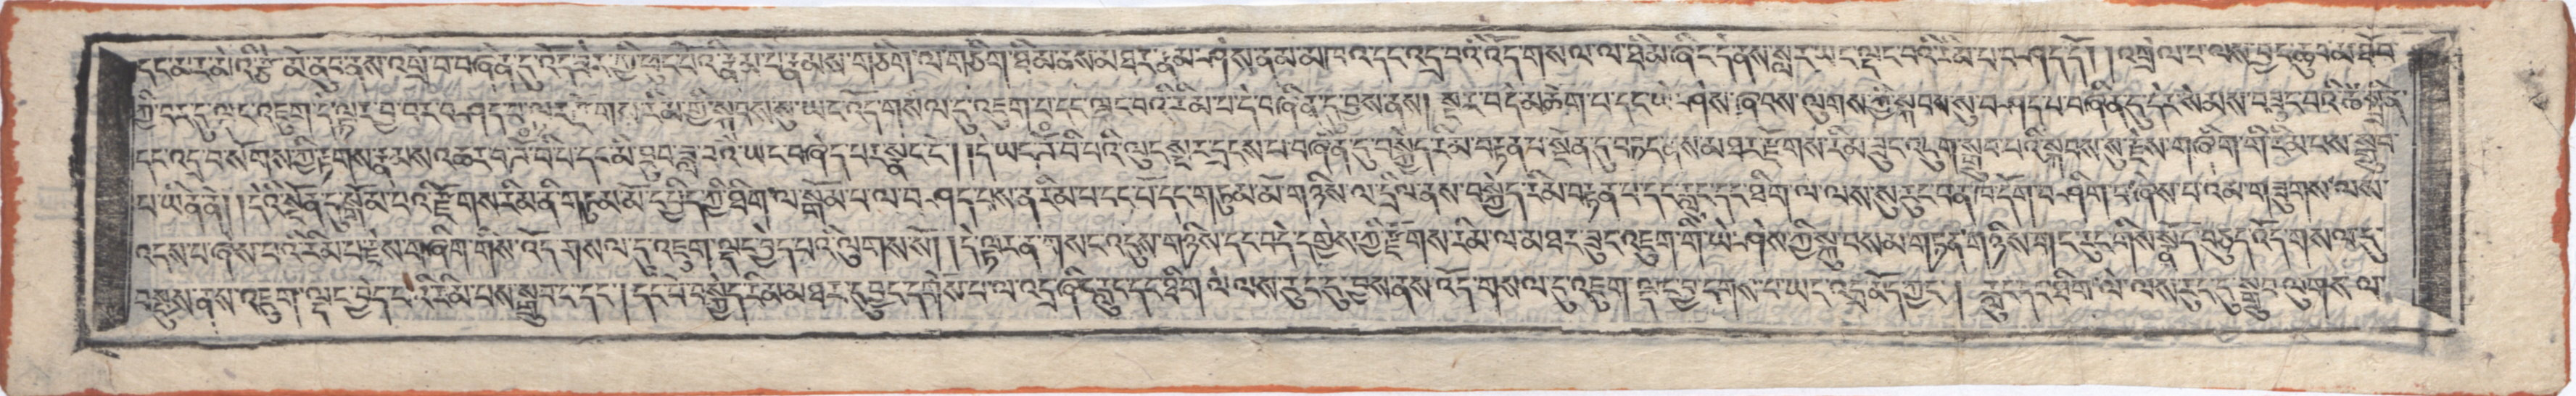དང་མར་མེའི་རྩེ་མོ་ནུབ་ནས་འགྲོ་བ་བཞིན་དུ་འོད་ཟེར་གྱི་ཕུང་པོའི་རྣམ་པ་རྣམས་གཅིག་ལ་གཅིག་ཐིམ་ནས་མཐར་རྣམ་ཤེས་ནམ་མཁའ་དང་འདྲ་བའི་འོད་གསལ་ལ་ཐིམ་ཞིང་དེ་ནས་སླར་ཡང་ལྡང་བའི་རིམ་པ་བཤད་དོ། །འགྲེལ་པ་ལས་བྱང་ཆུབ་མ་ཐོབ་
ཀྱི་བར་དུ་ལྡང་འཇུག་དེ་ལྟར་བྱ་བར་བཤད་པ་ལྟར་རྫོགས་རིམ་གྱི་སྐབས་སུ་ཡང་འོད་གསལ་དུ་འཇུག་པ་དང་ལྡང་བའི་རིམ་པ་དེ་བཞིན་དུ་བྱས་ནས། སྔར་བདེ་མཆོག་པ་དང་ཡེ་ཤེས་ཞབས་ལུགས་ཀྱི་སྐབས་སུ་བཤད་པ་བཞིན་དུ་དེར་སེམས་བཟུང་བའི་ཚེ་སྤྲིན་
དང་འདྲ་བ་སོགས་ཀྱི་རྟགས་རྣམས་འཆར་བ་ཊོཾ་བི་པ་དང་མི་ཐུབ་ཟླ་བའི་ཡང་བཞེད་པར་སྣང་ངོ། །དེ་ཡང་ཊོཾ་བི་པའི་ལུང་སྔར་དྲངས་པ་བཞིན་དུ་བསྐྱེད་རིམ་བརྟན་པ་སྔོན་དུ་བཏང་ནས་མཐར་རྫོགས་རིམ་ཟུང་འཇུག་སྒྲུབ་པའི་སྐབས་སུ་རྗེས་གཞིག་གི་རིམ་པས་སྒྲུབ་
པ་ཡིན་ནོ། །དེའི་སྔོན་དུ་སྒོམ་པའི་རྫོགས་རིམ་ནི་གཏུམ་མོ་དཔྱིད་ཀྱི་ཐིག་ལ་སྒོམ་པ་ལ་བཤད་པས་ན་རིམ་པ་དང་པོ་དང་གཏུམ་མོ་གཉིས་ལ་དྲིལ་ནས་བསྐྱེད་རིམ་བརྟན་པ་དང་རླུང་དང་ཐིག་ལེ་ལས་སུ་རུང་བ་ན་ཁ་དོག་བཤིག་པ་ཞེས་པ་འམ་གཟུགས་ལས་
འདས་པ་ཞེས་པའི་རིམ་པ་རྗེས་གཞིག་གིས་འོད་གསལ་དུ་འཇུག་ལྡང་བྱེད་པའི་ལུགས་སོ། །དེ་ལྟར་ན་གསང་འདུས་གཉིས་དང་བདེ་དགྱེས་ཀྱི་རྫོགས་རིམ་ལ་མཐར་ཟུང་འཇུག་གི་ཡེ་ཤེས་ཀྱི་སྐུ་བསམ་གཏན་གཉིས་གང་རུང་གིས་སྣོད་བཅུད་འོད་གསལ་དུ་
བསྡུས་ནས་འཇུག་ལྡང་བྱེད་པའི་རིམ་པས་སྒྲུབ་པ་དང་། དང་པོ་བསྐྱེད་རིམ་མཐར་དབྱུང་དགོས་པ་ལ་འདྲ་ཞིང་རླུང་དང་ཐིག་ལེ་ལས་རུང་དུ་བྱས་ནས་འོད་གསལ་དུ་འཇུག་ལྡང་བྱ་དགོས་པ་ཡང་འདྲ་མོད་ཀྱང་། རླུང་དང་ཐིག་ལེ་ལས་རུང་དུ་སྒྲུབ་ལུགས་ལ་